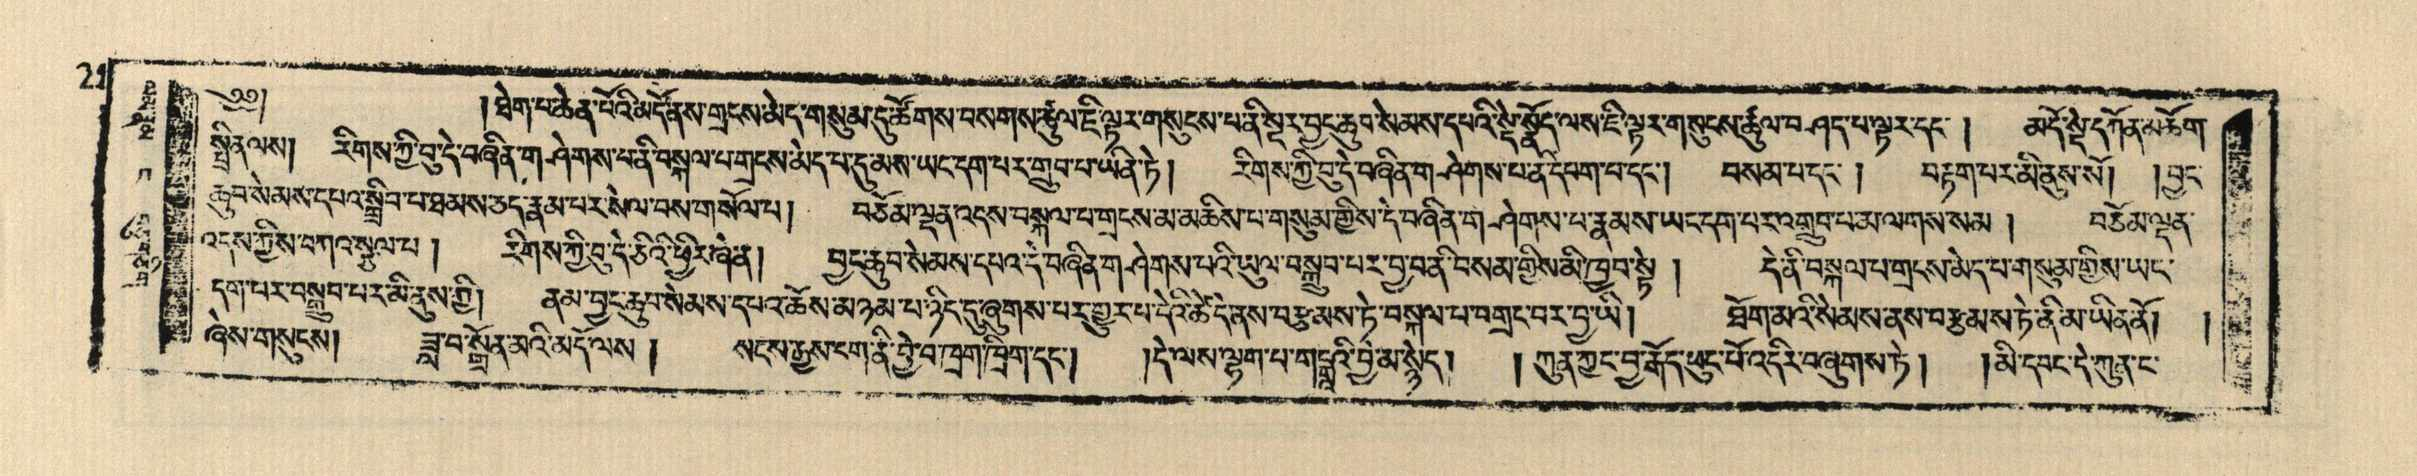༄༅། །ཐེག་པ་ཆེན་པོའི་མདོ་ནས་གྲངས་མེད་གསུམ་དུ་ཚོགས་བསགས་ཚུལ་ཇི་ལྟར་གསུངས་པ་ནི་སྔར་བྱང་ཆུབ་སེམས་དཔའི་སྡེ་སྣོད་ལས་ཇི་ལྟར་གསུངས་ཚུལ་བཤད་པ་ལྟར་དང་། མདོ་སྡེ་དཀོན་མཆོག་
སྤྲིན་ལས། རིགས་ཀྱི་བུ་དེ་བཞིན་གཤེགས་པ་ནི་བསྐལ་པ་གྲངས་མེད་པ་དུ་མས་ཡང་དག་པར་གྲུབ་པ་ཡིན་ཏེ། རིགས་ཀྱི་བུ་དེ་བཞིན་གཤེགས་པ་ན་དཔག་བ་དང་། བསམ་པ་དང་། བརྟག་པར་མི་ནུས་སོ། །བྱང་
ཆུབ་སེམས་དཔའ་སྒྲིབ་པ་ཐམས་ཅད་རྣམ་པར་སེལ་བས་གསོལ་པ། བཅོམ་ལྡན་འདས་བསྐལ་བ་གྲངས་མ་མཆིས་པ་གསུམ་གྱིས་དེ་བཞིན་གཤེགས་པ་རྣམས་ཡང་དག་པར་འགྲུབ་པ་མ་ལགས་སམ། བཅོམ་ལྡན་
འདས་ཀྱིས་བཀའ་སྩལ་བ། རིགས་ཀྱི་བུ་དེ་ཅིའི་ཕྱིར་ཞེ་ན། བྱང་ཆུབ་སེམས་དཔའ་དེ་བཞིན་གཤེགས་པའི་ཡུལ་བསྒྲུབ་པར་བྱ་བ་ནི་བསམ་གྱིས་མི་ཁྱབ་སྟེ། དེ་ནི་བསྐལ་པ་གྲངས་མེད་པ་གསུམ་གྱིས་ཡང་
དག་པར་བསྒྲུབ་པར་མི་ནུས་ཀྱི། ནམ་བྱང་ཆུབ་སེམས་དཔའ་ཆོས་མཉམ་པ་ཉིད་དུ་ཞུགས་པར་གྱུར་པ་དེའི་ཚེ་དེ་ནས་བརྩམས་ཏེ་བསྐལ་པ་བགྲང་བར་བྱ་ཡི། ཐོག་མའི་སེམས་ནས་བརྩམས་ཏེ་ནི་མ་ཡིན་ནོ། །
ཞེས་གསུངས། ཟླ་བ་སྒྲོན་མའི་མདོ་ལས། སངས་རྒྱས་ངག་ནི་བྱེ་བ་ཁྲག་ཁྲིག་དང་། །དེ་ལས་ལྷག་པ་གངྒའི་བྱེ་བ་སྙེད། །ཀུན་ཀྱང་བྱ་རྒོད་ཕུང་པོ་འདིར་བཞུགས་ཏེ། །མི་དབང་དེ་ཀུན་ང་